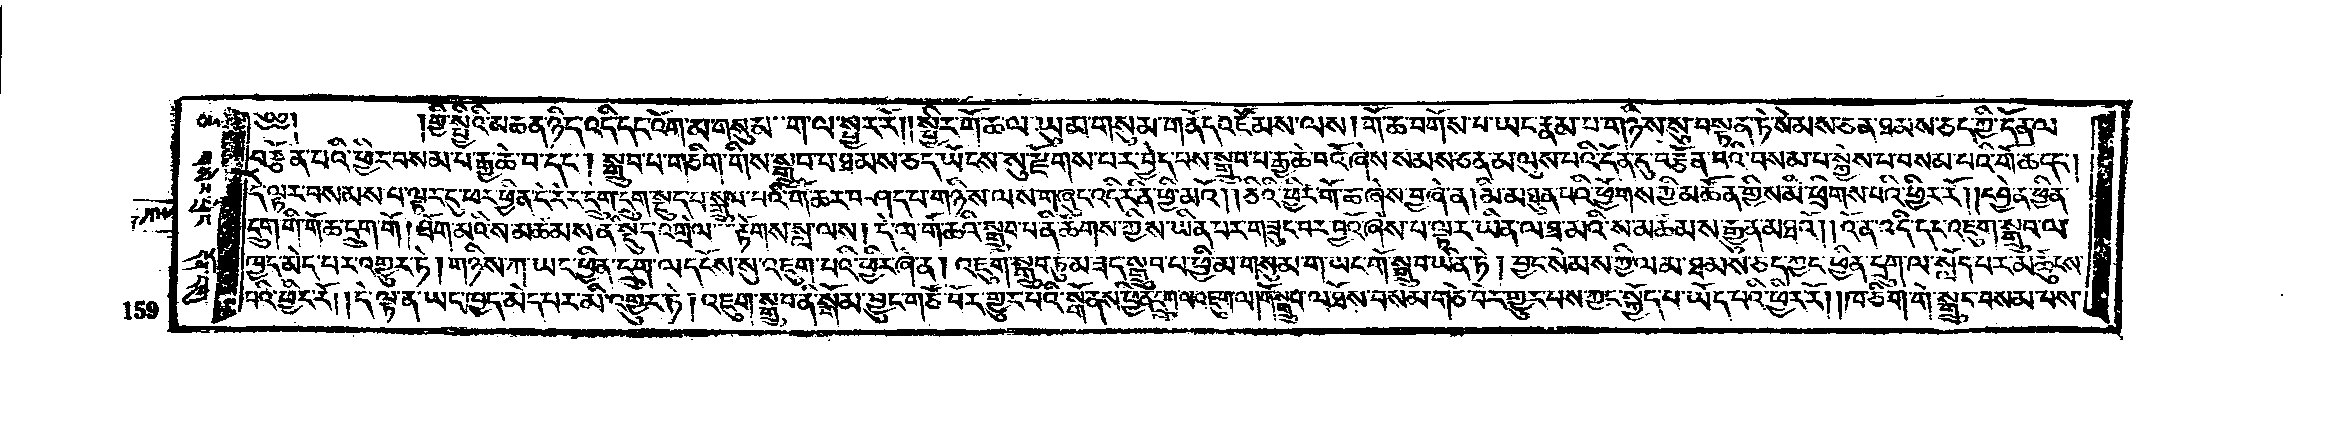༄༅། །གྱི་སྤྱིའི་མཚན་ཉིད་འདི་དང་འོག་མ་གསུམ་ག་ལ་སྦྱར་རོ། །སྤྱིར་གོ་ཆ་ལ་ཡུམ་གསུམ་གནོད་འཇོམས་ལས། གོ་ཆ་བགོས་པ་ཡང་རྣམ་པ་གཉིས་སུ་བསྟན་ཏེ་སེམས་ཅན་ཐམས་ཅད་ཀྱི་དོན་ལ་
བརྩོན་པའི་ཕྱིར་བསམ་པ་རྒྱ་ཆེ་བ་དང་། སྒྲུབ་པ་གཅིག་གིས་སྒྲུབ་པ་ཐམས་ཅད་ཡོངས་སུ་རྫོགས་པར་བྱེད་པས་སྒྲུབ་པ་རྒྱ་ཆེ་བའོ་ཞེས་སེམས་ཅན་མ་ལུས་པའི་དོན་དུ་བརྩོན་པའི་བསམ་པ་སྐྱེས་པ་བསམ་པའི་གོ་ཆ་དང་།
དེ་ལྟར་བསམས་པ་ལྟར་དུ་ཕར་ཕྱིན་རེ་རེར་དྲུག་དྲུག་སྡུད་པ་སྒྲུབ་པའི་གོ་ཆར་བཤད་པ་གཉིས་ལས་གཞུང་འདིར་ནི་ཕྱི་མའོ། །ཅིའི་ཕྱིར་གོ་ཆ་ཞེས་བྱ་ཞེ་ན། མི་མཐུན་པའི་ཕྱོགས་ཀྱི་མཚོན་གྱིས་མི་ཕྱོགས་པའི་ཕྱིར་རོ། །དབྱེ་ན་ཕྱིན་
དྲུག་གི་གོ་ཆ་དྲུག་གོ །ཐོག་མའི་ས་མཚམས་ནི་སྡུད་འགྲེལ་རྟོགས་སླ་ལས། དེ་ལ་གོ་ཆའི་སྒྲུབ་པ་ནི་ཚོགས་ཀྱི་ས་ཡིན་པར་གཟུང་བར་བྱའོ་ཞེས་པ་ལྟར་ཡིན་ལ་ཐ་མའི་ས་མཚམས་རྒྱུན་མཐའོ། །འོ་ན་འདི་དང་འཇུག་སྒྲུབ་ལ་
ཁྱད་མེད་པར་འགྱུར་ཏེ། གཉིས་ཀ་ཡང་ཕྱིན་དྲུག་ལ་དངོས་སུ་འཇུག་པའི་ཕྱིར་ཞེ་ན། འཇུག་སྒྲུབ་ཏུ་མ་ཟད་སྒྲུབ་པ་ཕྱི་མ་གསུམ་ག་ཡང་གོ་སྒྲུབ་ཡིན་ཏེ། བྱང་སེམས་ཀྱི་ལམ་ཐམས་ཅད་ཀྱང་ཕྱིན་དྲུག་ལ་སློབ་པར་མཚུངས་
པའི་ཕྱིར་རོ། །དེ་ལྟ་ན་ཡང་ཁྱད་མེད་པར་མི་འགྱུར་ཏེ། འཇུག་སྒྲུབ་ནི་སྒོམ་བྱུང་གཙོ་བོར་གྱུར་པའི་སྒོ་ནས་ཕྱིན་དྲུག་ལ་འཇུག་ལ། གོ་སྒྲུབ་ལ་ཐོས་བསམ་གཙོ་བོར་གྱུར་པས་ཀྱང་སྤྱོད་པ་ཡོད་པའི་ཕྱིར་རོ། །ཁ་ཅིག་གོ་སྒྲུབ་བསམ་པས་